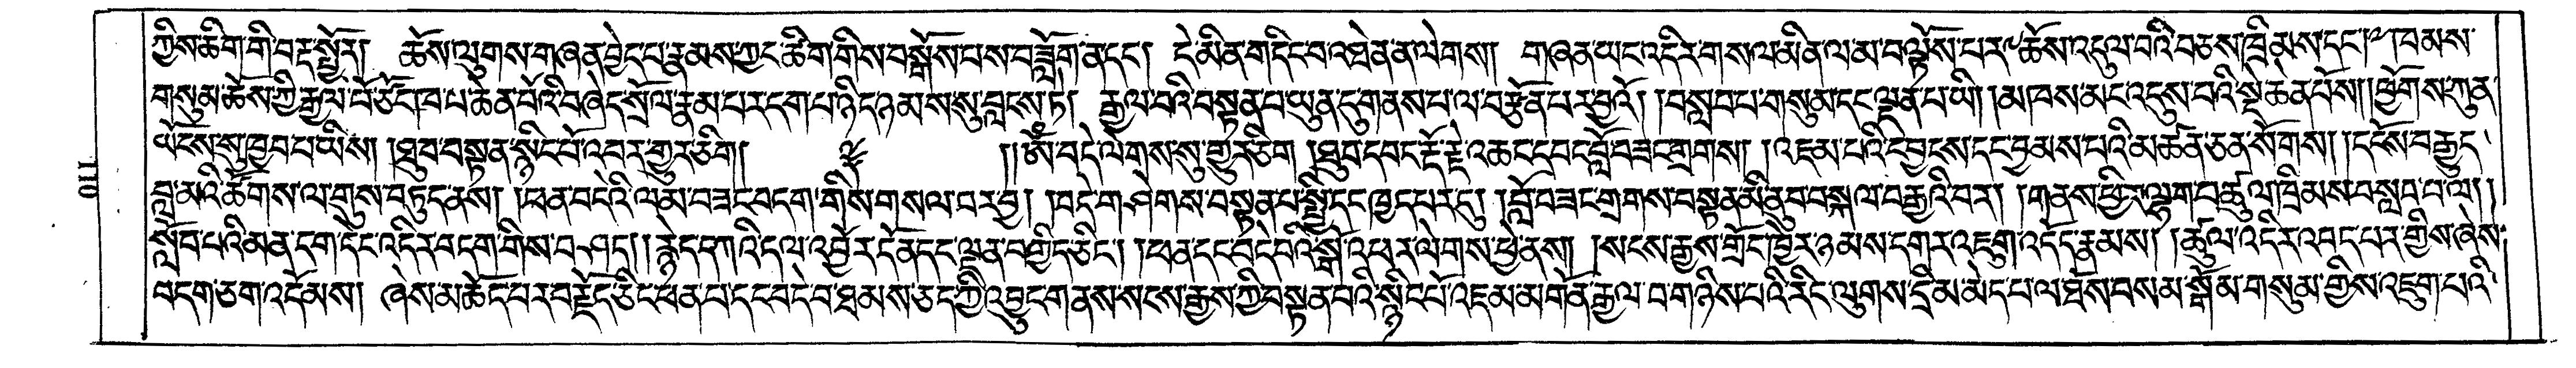ཀྱིས་ཚིག་གི་བརྡ་སྦྱོར། ཆོས་ལུགས་གཞན་བྱེད་པ་རྣམས་ཀྱང་ཚིག་གིས་བསྒོས་པས་བཟློག་ན་དང་། དེ་མིན་གདིང་བ་འཐེན་ན་ལེགས། གཞན་ཡང་འདིར་གསལ་མིན་ལ་མ་བལྟོས་པར ༧ཆོས་འདུལ་བའི་བཅས་ཁྲིམས་དང་། ༧ཁམས་
གསུམ་ཆོས་ཀྱི་རྒྱལ་པོ་ཙོང་ཁ་པ་ཆེན་པོའི་བཞེད་སྲོལ་རྣམ་པར་དག་པ་ཉིད་ཉམས་སུ་བླངས་ཏེ། རྒྱལ་བའི་བསྟན་པ་ཡུན་དུ་གནས་པ་ལ་བརྩོན་པར་བྱའོ། །བསླབ་པ་གསུམ་དང་ལྡན་པ་ཡི། མཁས་མང་འདུས་པའི་སྡེ་ཆེན་པོས། །ཕྱོགས་ཀུན་
ཡོངས་སུ་ཁྱབ་པ་ཡིས། །ཐུབ་བསྟན་སྙིང་པོ་འབར་གྱུར་ཅིག། ༈ །།ཨོཾ་བདེ་ལེགས་སུ་གྱུར་ཅིག །ཐུབ་དབང་རྡོ་རྗེ་འཆང་དབང་བློ་བཟང་གྲགས། །འཇམ་པའི་དབྱངས་དང་བྱམས་པའི་མཚན་ཅན་སོགས། །དངོས་བརྒྱུད་
བླ་མའི་ཚོགས་ལ་གུས་བཏུད་ནས། །ཕན་བདེའི་ལམ་བཟང་བདག་གིས་གསལ་བར་བྱ། །བདེ་གཤེགས་བསྟན་པ་སྤྱི་དང་ཁྱད་པར་དུ། །བློ་བཟང་གྲགས་བསྟན་མི་ནུབ་བསྐལ་བརྒྱའི་བར། །གནས་ཕྱིར་ལྷག་པ་ཚུལ་ཁྲིམས་བསླབ་པ་ལ། །
སློབ་པའི་མན་ངག་དེང་འདིར་བདག་གིས་བཤད། །རྙེད་དཀའི་དལ་འབྱོར་དོན་དང་ལྡན་བགྱིད་ཅིང་། །ཕན་དང་བདེ་བའི་སྒོ་འཕར་ལེགས་ཕྱེ་ནས། །སངས་རྒྱས་གྲོང་ཁྱེར་ཉམས་དགར་འཇུག་འདོད་རྣམས། །ཚུལ་འདིར་འབད་པར་གྱིས་ཞེས་
བདག་ཅག་འདོམས། ཞེས་མཆོད་པར་བརྗོད་ཅིང་ཕན་པ་དང་བདེ་བ་ཐམས་ཅད་ཀྱི་འབྱུང་གནས་སངས་རྒྱས་ཀྱི་བསྟན་པའི་སྙིང་པོ་འཇམ་མགོན་རྒྱལ་བ་གཉིས་པའི་རིང་ལུགས་དྲི་མ་མེད་པ་ལ་ཐོས་བསམ་སྒོམ་གསུམ་གྱིས་འཇུག་པའི་